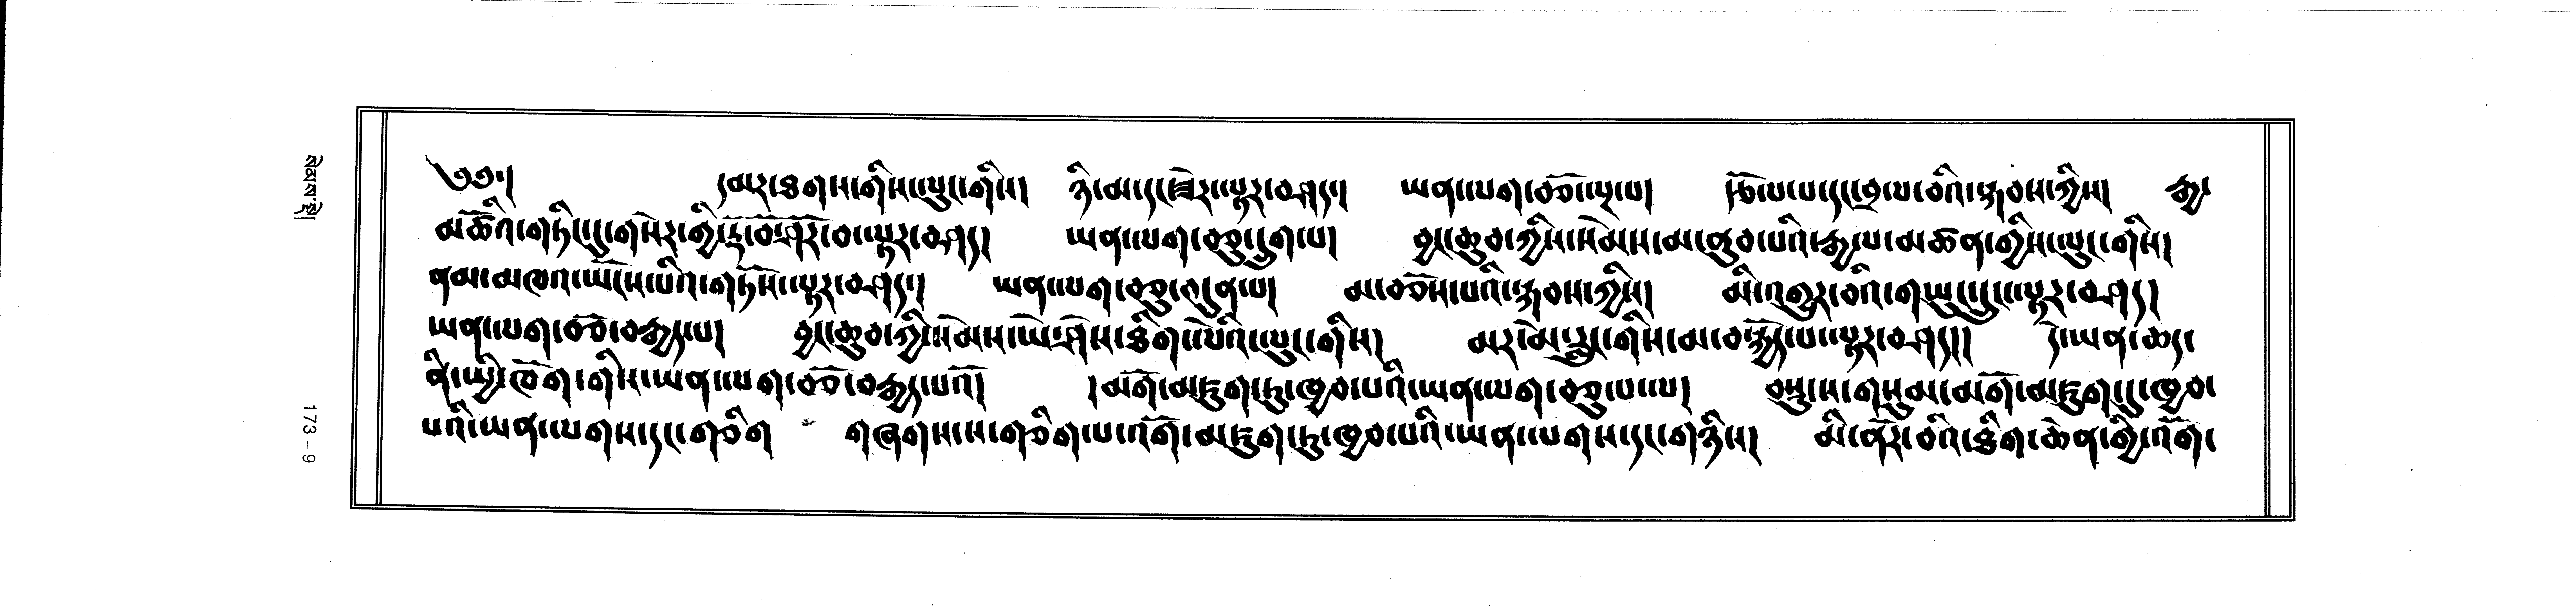དམར་ཐག་གི་ལུང་གིས་ཉི་མ་དང་ཟེར་ལྟར་བཤད། ཡན་ལག་བཅོ་ལྔ་པ། རྩོལ་བ་དང་བྲལ་བའི་སྐབས་ཀྱིས། རྒྱ་
མཚོའི་གཏིང་དུ་གསེར་གྱི་རྡོ་བོ་ཤོར་བ་ལྟར་བཤད། ཡན་ལག་བཅུ་དྲུག་པ། བྱང་ཆུབ་ཀྱི་སེམས་མ་ནུབ་པའི་རྒྱལ་མཚན་གྱི་ལུང་གིས། 
ནམ་མཁའ་ཡངས་པའི་གཏོས་ལྟར་བཤད། ཡན་ལག་བཅུ་བདུན་པ། མ་བཅོས་པའི་སྐབས་ཀྱིས། མི་འགྱུར་བའི་གཡུང་དྲུང་ལྟར་བཤད། 
ཡན་ལག་བཅོ་བརྒྱད་པ་བྱང་ཆུབ་ཀྱི་སེམས་ཡེ་ཤེས་ཐིག་ལེའི་ལུང་གིས་མར་མེ་རླུང་གིས་མ་བསྐྱོད་པ་ལྟར་བཤད། དེ་ཡན་ཆད་
ནི་སྤྱི་ཁོག་གིས་ཡན་ལག་བཅོ་བརྒྱད་པའོ། །འགོ་མཇུག་ཏུ་ཁྱབ་པའི་ཡན་ལག་བཅུ་པ་ལ། བསྡུ་ས་གསུམ་མགོ་འཇུག་ཏུ་ཁྱབ་
པའི་ཡན་ལག་དང་གཅིག་བཞག་ས་གཅིག་ལ་འགོ་མཇུག་ཏུ་ཁྱབ་པའི་ཡན་ལག་དང་གཉིས། མི་ནོར་བའི་ཐེག་ཆེན་གྱི་འགོ་